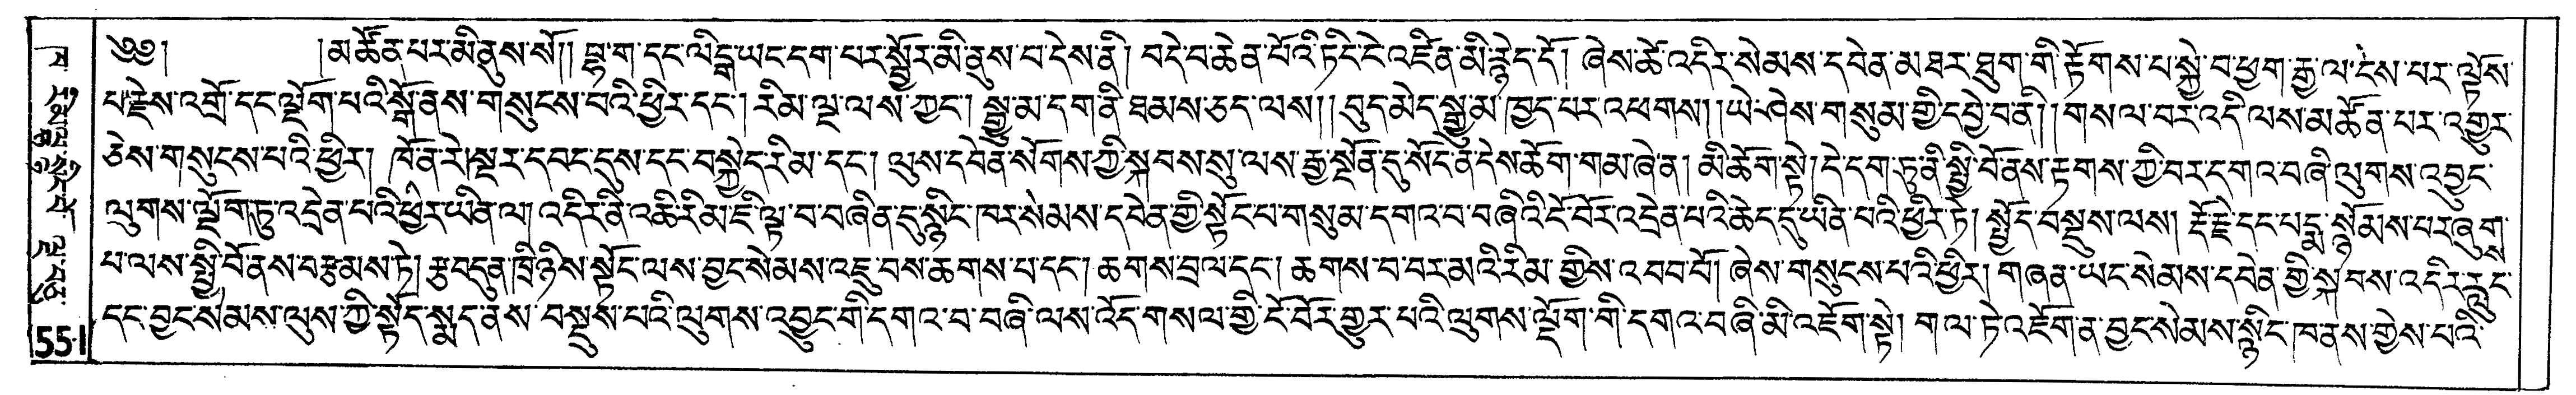༄༅། །མཚོན་པར་མི་ནུས་སོ། །བྷ་ག་དང་ལིངྒ་ཡང་དག་པར་སྦྱོར་མི་ནུས་པ་དེས་ནི། བདེ་བ་ཆེན་པོའི་ཏིང་ངེ་འཛིན་མི་རྙེད་དོ། ཞེས་ཚེ་འདིར་སེམས་དབེན་མཐར་ཐུག་གི་རྟོགས་པ་སྐྱེ་བ་ཕྱག་རྒྱ་ལ་ངེས་པར་ལྟོས་
པ་རྗེས་འགྲོ་དང་ལྡོག་པའི་སྒོ་ནས་གསུངས་པའི་ཕྱིར་དང་། རིམ་ལྔ་ལས་ཀྱང་། སྒྱུ་མ་དག་ནི་ཐམས་ཅད་ལས། །བུད་མེད་སྒྱུ་མ་ཁྱད་པར་འཕགས། །ཡེ་ཤེས་གསུམ་གྱི་དབྱེ་བ་ནི། །གསལ་བར་འདི་ལས་མཚོན་པར་འགྱུར་
ཅེས་གསུངས་པའི་ཕྱིར། ཁོ་ན་རེ། སྔར་དབང་དུས་དང་བསྐྱེད་རིམ་དང་། ལུས་དབེན་སོགས་ཀྱི་སྐབས་སུ་ལས་རྒྱ་སྔོན་དུ་སོང་ན་དེས་ཆོག་གམ་ཞེ་ན། མི་ཆོག་སྟེ། དེ་དག་ཏུ་ནི་སྤྱི་བོ་ནས་རྟགས་ཀྱི་བར་དགའ་བཞི་ལུགས་འབྱུང་
ལུགས་ལྡོག་ཏུ་འདྲེན་པའི་ཕྱིར་ཡིན་ལ། འདིར་ནི་འཆི་རིམ་ཇི་ལྟ་བ་བཞིན་དུ་སྙིང་ཁར་སེམས་དབེན་གྱི་སྟོང་པ་གསུམ་དགའ་བ་བཞིའི་ངོ་བོར་འདྲེན་པའི་ཆེད་དུ་ཡིན་པའི་ཕྱིར་ཏེ། སྤྱོད་བསྡུས་ལས། རྡོ་རྗེ་དང་པདམ་སྙོམས་པར་ཞུགས་
པ་ལས་སྤྱི་བོ་ནས་བརྩམས་ཏེ། རྩ་བདུན་ཁྲི་ཉིས་སྟོང་ལས་བྱང་སེམས་འཇུ་བས་ཆགས་པ་དང་། ཆགས་བྲལ་དང་། ཆགས་བ་བར་མའི་རིམ་གྱིས་འབབ་བོ། ཞེས་གསུངས་པའི་ཕྱིར། གཞན་ཡང་སེམས་དབེན་གྱི་སྐབས་འདི་བརླུང་
དང་བྱང་སེམས་ལུས་ཀྱི་སྟོད་སྨད་ནས་བསྡུས་པའི་ལུགས་འབྱུང་གི་དགའ་བ་བཞི་ལས་འོད་གསལ་གྱི་ངོ་བོར་གྱུར་པའི་ལུགས་ལྡོག་གི་དགའ་བཞི་མི་འཇོག་སྟེ། གལ་ཏེ་འཇོག་ན་བྱང་སེམས་སྙིང་ཁ་ནས་གྱེས་པའི་